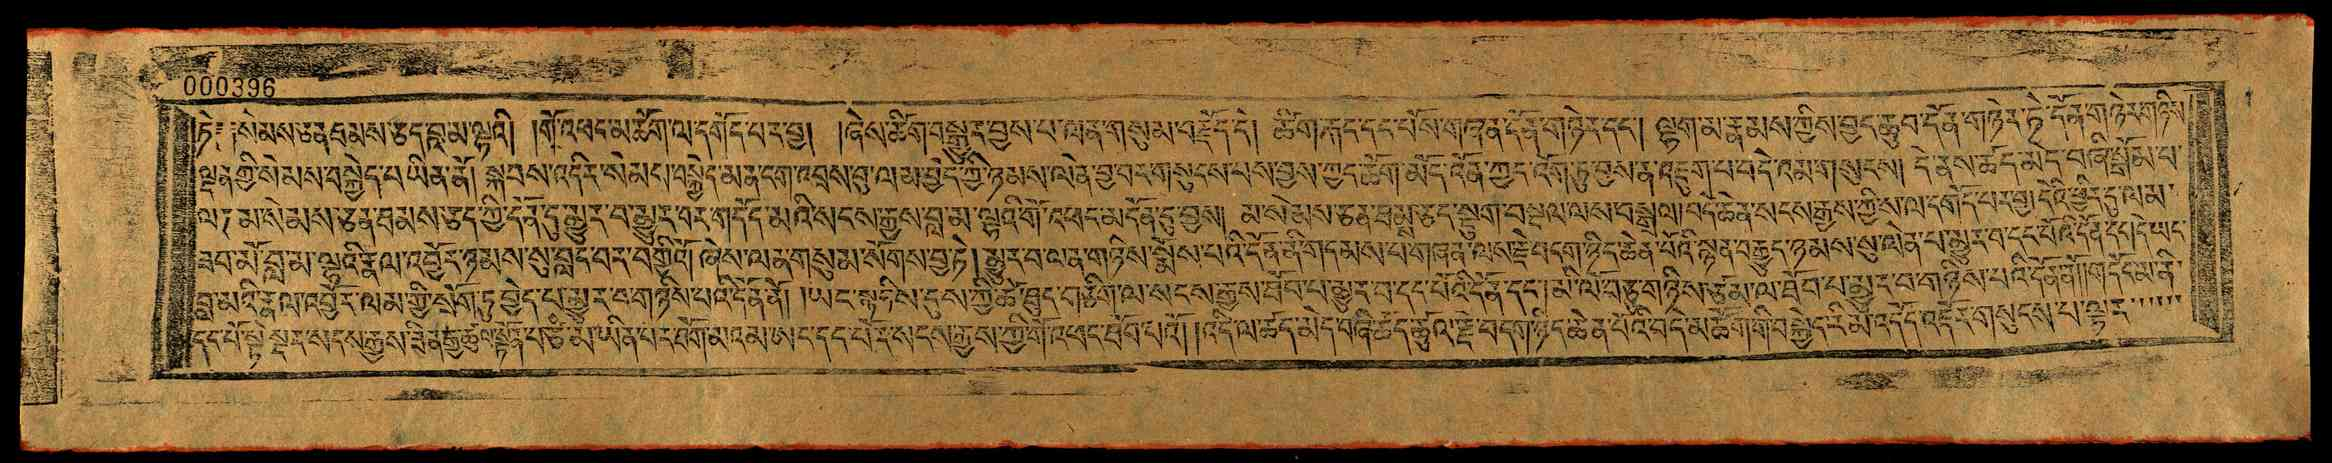ཏེ༑ ༑སེམས་ཅན་ཐམས་ཅད་བླ་མ་ལྷའི། །གོ་འཕང་མཆོག་ལ་དགོད་པར་བྱ། །ཞེས་ཚིག་བསྒྱུར་བྱས་པ་ལན་གསུམ་བརྗོད་དེ། ཚིག་རྐང་དང་པོས་གཞན་དོན་དོན་གཉེར་དང་། ལྷག་མ་རྣམས་ཀྱིས་བྱང་ཆུབ་དོན་གཉེར་ཏེ་དོན་གཉེར་གཉིས་
ལྡན་གྱི་སེམས་བསྐྱེད་པ་ཡིན་ནོ། །སྐབས་འདིར་སེམས་བསྐྱེད་མན་ངག་འབྲས་བུ་ལམ་བྱེད་ཀྱི་ཉམས་ལེན་བྱ་བར་གསུངས་པས་བྱས་ཀྱང་ཆོག་མོད་འོན་ཀྱང་འོག་ཏུ་བྱས་ན་འཇུག་པ་བདེའམ་གསུངས། དེ་ནས་ཚད་མེད་བཞི་སྒོམ་པ་ལ།
མ་སེམས་ཅན་ཐམས་ཅད་ཀྱི་དོན་དུ་མྱུར་བ་མྱུར་བར་གདོད་མའི་སངས་རྒྱས་བླ་མ་ལྷའི་གོ་འཕང་མངོན་དུ་བྱས། མ་སེམས་ཅན་ཐམས་ཅད་སྡུག་བསྔལ་ལས་བསྒྲལ། བདེ་ཆེན་སངས་རྒྱས་ཀྱི་ས་ལ་དགོད་པར་བྱ། དེའི་ཕྱིར་དུ་ལམ་
ཟབ་མོ་བླ་མ་ལྷའི་རྣལ་འབྱོར་ཉམས་སུ་བླང་བར་བགྱིའོ། །ཞེས་ལན་གསུམ་སོགས་བྱ་སྟེ། མྱུར་བ་ལན་གཉིས་སྨོས་པའི་དོན་ནི་གདམས་པ་གཞན་ལས་རྗེ་བདག་ཉིད་ཆེན་པོའི་སྙན་བརྒྱུད་ཉམས་སུ་ལེན་པ་མྱུར་བ་དང་པོའི་དོན་དང་། དེ་ཡང་
བླ་མའི་རྣལ་འབྱོར་ལམ་གྱི་སྲོག་ཏུ་བྱེད་པ་མྱུར་བ་གཉིས་པའི་དོན་ནོ། །ཡང་སྙིགས་དུས་ཀྱི་ཚེ་ཐུང་གཅིག་ལ་སངས་རྒྱས་ཐོབ་པ་མྱུར་བ་དང་པོའི་དོན་དང་། མི་ལོ་བཅུ་གཉིས་ཙམ་ལ་ཐོབ་པ་མྱུར་བ་གཉིས་པའི་དོན་ནོ། །གདོད་མ་ནི་དང་པོ་
སྟེ་སྔར་སངས་རྒྱས་ཟིན་རྒྱ་ཚུལ་སྟོན་པ་ཙམ་མ་ཡིན་པར་ཐོག་མའམ་ཨང་དང་པོར་སངས་རྒྱས་ཀྱི་གོ་འཕང་ཐོབ་པའོ། །འདི་ལ་ཚད་མེད་བཞི་ཚང་ཚུལ་རྗེ་བདག་ཉིད་ཆེན་པོའི་བདེ་མཆོག་གི་བསྐྱེད་རིམ་འདོད་འཇོར་གསུངས་པ་ལྟར་